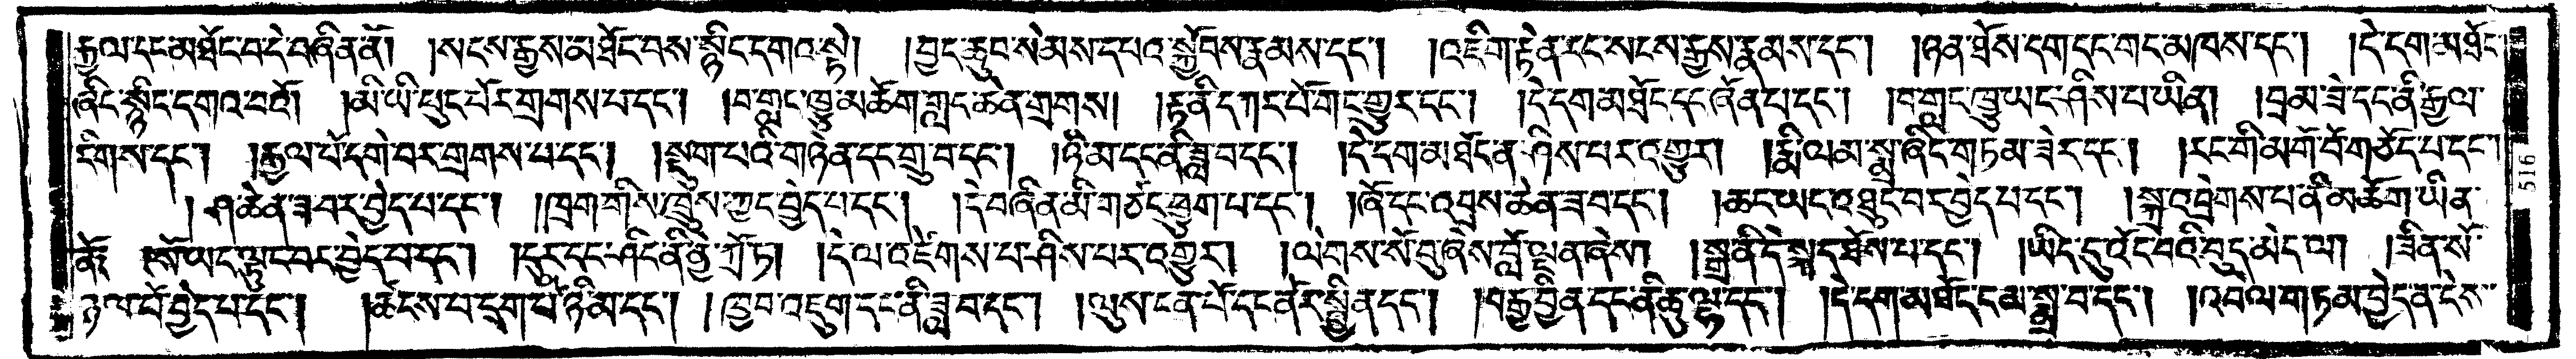རྒྱལ་དང་མཐོང་བ་དེ་བཞིན་ནོ། །སངས་རྒྱས་མཐོང་བས་སྙིང་དགའ་སྟེ། །བྱང་ཆུབ་སེམས་དཔའ་སྐྱོབས་རྣམས་དང་། །འཇིག་རྟེན་རང་སངས་རྒྱས་རྣམས་དང་། །ཉན་ཐོས་དག་དང་གང་མཁས་དང་། །དེ་དག་མཐོང་
ཞིང་སྙིང་དགའ་བའོ། །མི་ཡི་ཕུང་པོར་གྲགས་པ་དང་། །བ་གླང་ཁྱུ་མཆོག་གླང་ཆེན་གྲགས། །རྟ་ནི་དཀར་པོ་གང་གྱུར་དང་། །དེ་དག་མཐོང་དང་ཞོན་པ་དང་། །བ་གླང་ཁྱུ་ཡང་ཤིས་པ་ཡིན། །བྲམ་ཟེ་དང་ནི་རྒྱལ་
རིགས་དང་། །རྒྱལ་པོ་དགེ་བར་གྲགས་པ་དང་། །སྡུག་པའི་གཉེན་དང་གྲུབ་དང་། ཉི་མ་དང་ནི་ཟླ་བ་དང་། །དེ་དག་མཐོང་ན་ཤིས་པར་འགྱུར། །རྨི་ལམ་སྨྲ་ཞིང་གཏམ་ཟེར་དང་། །རང་གི་མགོ་བོ་གཅོད་པ་དང་།
།ཤ་ཆེན་ཟ་བར་བྱེད་པ་དང་། །ཁྲག་གིས་ཁྲུས་ཀྱང་བྱེད་པ་དང་། །དེ་བཞིན་མི་གཙང་ཕྱུག་པ་དང་། །ཞོ་དང་འབྲས་ཆེན་ཟབ་དང་། །ཆང་ཡང་འཐུང་བར་བྱེད་པ་དང་། །སྐྲ་འབྲེགས་པ་ནི་མཆོག་ཡིན་
ནོ། །སོ་ཡང་ལྟུང་བར་བྱེད་པ་དང་། །དུར་དང་ཤིང་ནི་ནྱེ་ཀྲོ་ཏ། །དེ་ལ་འཛེགས་པ་ཤིས་པར་འགྱུར། །ལེགས་སོ་བུ་ཞེས་བློ་ལྡན་ཞེས། །སྒྲ་ནི་དེ་སྐད་ཐོས་པ་དང་། །ཡིད་དུ་འོང་བའི་བུད་མེད་ལ། །ཟིན་སོ་
ཉལ་བོ་བྱེད་པ་དང་། །ཚངས་པ་དྲག་པ་ཉི་མ་དང་། །ཁྱབ་འཇུག་དང་ནི་ཟླ་བ་དང་། །ལུས་ངན་པོ་དང་ནོར་སྦྱིན་དང་། །བརྒྱ་བྱིན་དང་ནི་ཆུ་ལྷ་དང་། །དེ་དག་མཐོད་ངམ་སྨྲ་བ་དང་། །འབེལ་གཏམ་བྱེད་ན་ངེས་